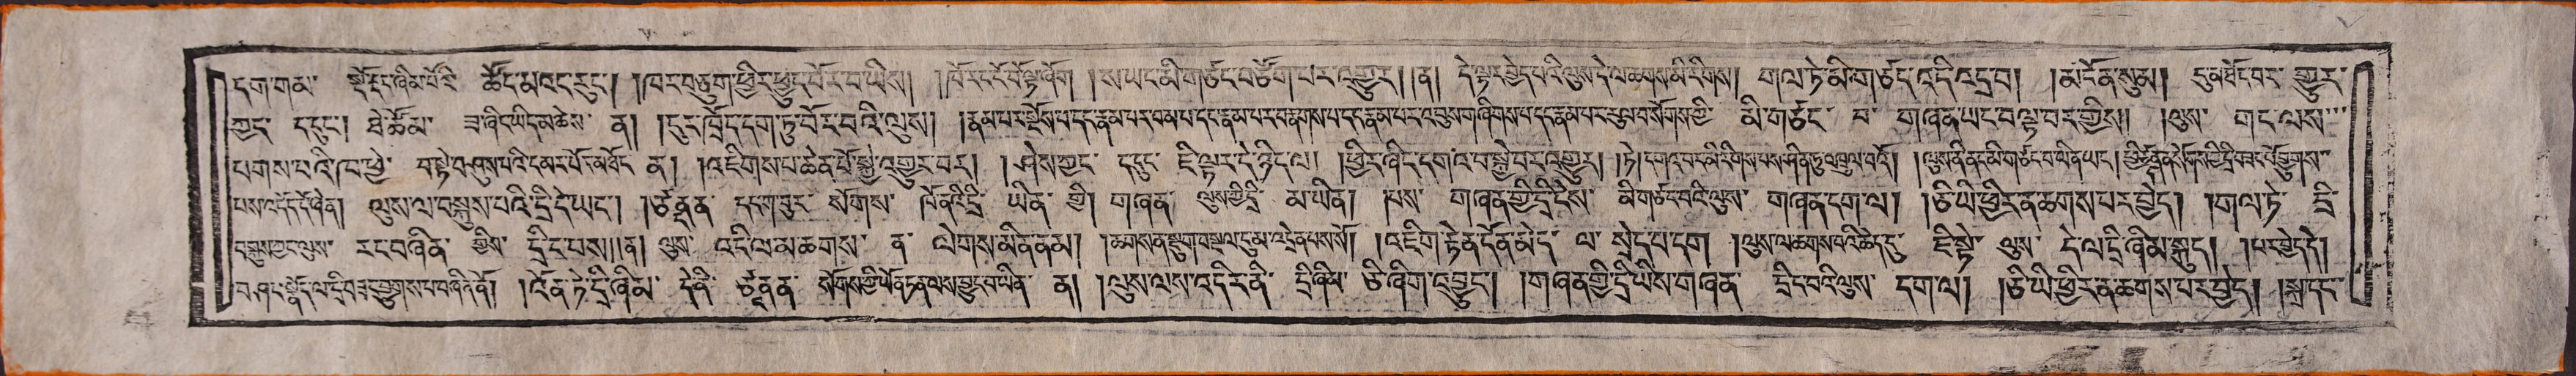དག་གམ་སྡོ་རྡད་ཞིམ་པོའི་ཚོད་མའང་རུང་། །ཁར་བཅུག་ཕྱིར་ཕྱུང་པོར་བ་ཡིས། །ཁོ་རང་ངོ་བོ་ལྟ་ཞོག །སངས་ཡང་མི་གཙང་བ་ཙོག་པར་འགྱུར། །ན། དེ་ལྟར་བྱེད་པའི་ལུས་དེ་ལ་ཆགས་མི་རིགས།  གལ་ཏེ་མི་གཙང་འདི་འདྲ་བ། །མངོན་སུམ་དུ་མཐོང་བར་གྱུར་
ཀྱང་ད་དུང་ཐེ་ཚོམ་ཟ་ཞིང་ཡིད་མཆེས་ན། །དུར་ཁྲོད་དག་ཏུ་བོར་བའི་ལུས། །རྣམ་པར་སྔོས་པ་དང་རྣམ་པར་བམ་པ་དང་རྣམ་པར་བྲངས་པ་དང་རྣམ་པར་འབུས་གཞིགས་པ་དང་རྣམ་པར་རུལ་བ་སོགས་ཀྱི་མི་གཙང་བ་གཞན་ཡང་བལྟ་བར་གྱིས། །ལུས་གང་ལས་
པགས་པའི་ཁ་ཕྱེ་བསྟེ་བ་ཤུས་པའི་དམར་པོར་མཐོང་ན། །འཇིགས་པ་ཆེན་པོ་སྐྱེ་འགྱུར་བར། །ཤེས་ཀྱང་ད་དུང་ཇི་ལྟར་དེ་ཉིད་ལ། །ཕྱིར་ཞིང་དགའ་བ་སྐྱེ་བར་འགྱུར། །ཏེ། དགའ་བར་མི་རིགས་པས་ཤིན་ཏུ་འཁྲུལ་བའོ། །ལུས་ནི་ནང་མི་གཙང་བ་ཡིན་ཡང་། །ཕྱི་ཙནྡན་སོགས་ཀྱི་དྲི་བཟང་པོ་བྱུགས་
པས་འདོད་དོ་ཞེ་ན། །ལུས་ལ་བསྐུས་པའི་དྲི་དེ་ཡང་། །ཙནྡན་དང་ག་པུར་སོགས་ཁོ་ནའི་དྲི་ཡིན་གྱི༑  གཞན་ལུས་ཀྱི་དྲི་མ་ཡིན། །པས་གཞན་གྱི་དྲི་དེས་མི་གཙང་བའི་ལུས་གཞན་དག་ལ། །ཅི་ཡི་ཕྱིར་ན་ཆགས་པར་བྱེད་།གལ་ཏེ་དྲི་
བསྐུས་ཀྱང་ལུས་རང་བཞིན་གྱིས་དྲི་ང་བས། །ན། ལུས་འདི་ལ་མ་ཆགས་ན་ལེགས་མིན་ནམ། །ཆགས་ན་སྡུག་བསྔལ་དུ་མ་འདྲེན་པས་སོ། །འཇིག་རྟེན་དོན་མེད་ལ་སྲེད་པ་དག །ལུས་ལ་ཆགས་པའི་ཆེད་དུ་ཇི་སྟེ་ལུས་དེ་ལ་དྲི་ཞིམ་སྐུད། །པར་བྱེད་དེ།
བཤང་སྣོད་ལ་དྲི་བཟང་བྱུགས་པ་བཞིན་ནོ། །འོན་ཏེ་དྲི་ཞིམ། དེ་ནི་ཙནྡན་སོགས་ཀྱི་ཡོན་ཏན་ལས་བྱུང་བ་ཡིན་ན། །ལུས་ལས་འདིར་ནི་དྲི་ཞིམ།  ཅི་ཞིག་འབྱུང་། །གཞན་གྱི་དྲི་ཡིས་གཞན་དྲི་ང་བའི་ལུས་དག་ལ། །ཅི་ཡི་ཕྱིར་ན་ཆགས་པར་བྱེད། །སྐྲ་དང་